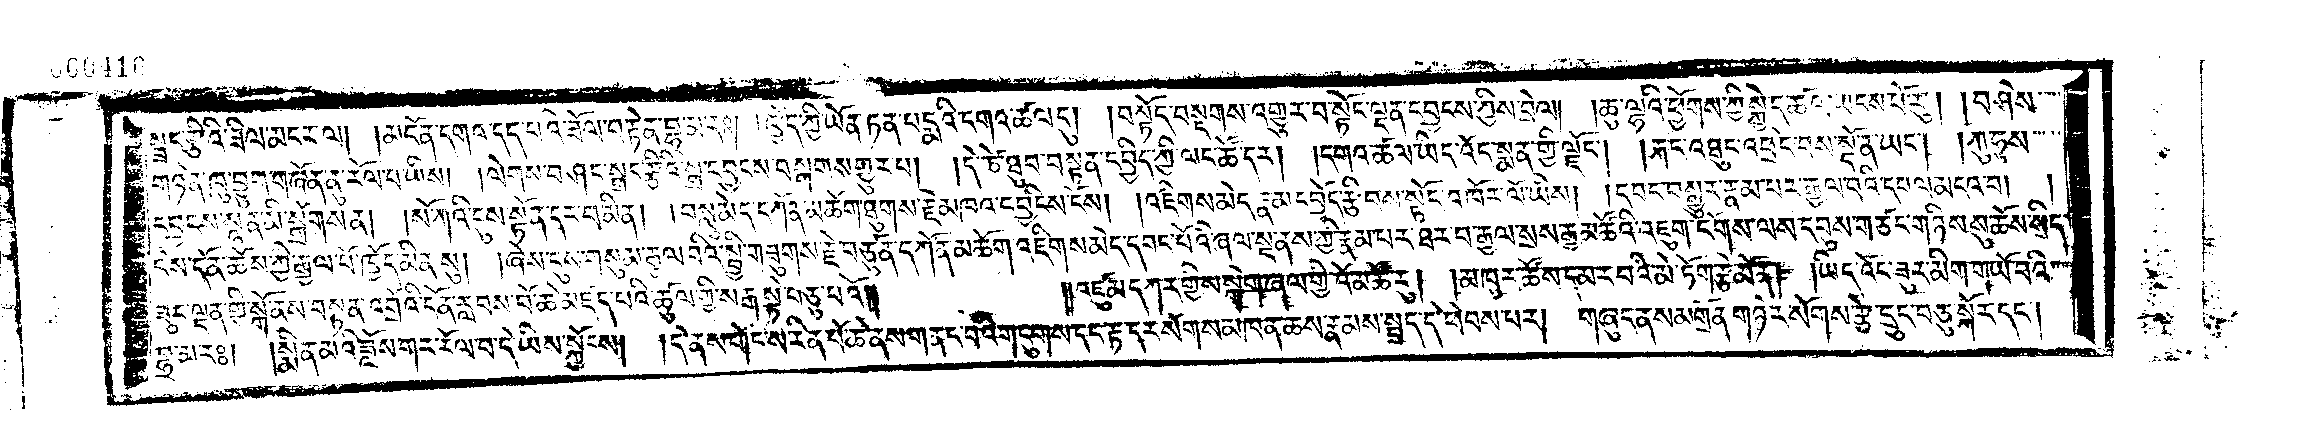སྦྲང་རྩིའི་ཟིལ་མངར་ལ། །མངོན་དགའ་དང་པའི་ཟོལ་བརྟེན་བྷྲ་མ་རཿ། །ཁྱོད་ཀྱི་ཡོན་ཏན་པདམའི་དགའ་ཚལ་དུ། །བསྟོད་བསྔགས་འགྱུར་བ་སྟོང་ལྡན་དབྱངས་ཀྱིས་བྲེལ། །ཆུ་ལྷའི་ཕྱོགས་ཀྱི་སྐྱེད་ཚལ་ཡངས་པོ་རུ། །བཤེས་
གཉེན་ཁུ་བྱུག་གཞོན་ནུ་རོལ་བ་ཡིས། །ལེགས་བཤད་སྤྲང་རྩིའི་སྒྲ་དབྱངས་བསྒྲགས་གྱུར་པ། །དེ་ཚེ་ཐུབ་བསྟན་དཔྱིད་ཀྱི་ལང་ཚོ་དར། །དགའ་ཚལ་ཡིད་འོང་སྨན་གྱི་ལྗོང་། །རྐང་འཐུང་འཕྲེང་བས་སྔོ་ན་ཡང་། །ཀུ་ཧུས་
དབྱངས་སྙན་མི་སྒྲོགས་ན། །སོ་ཀའི་དུས་སྟོན་དར་བ་མིན། །བསླུ་མེད་དཀོན་མཆོག་ཐུགས་རྗེ་མཁའ་དབྱིངས་ངོས། །འཇིགས་མེད་རྣམ་དཔྱོད་རྩིབས་སྟོང་འཁོར་ལོ་ཡིས། །དབང་བསྒྱུར་རྣམ་པར་རྒྱལ་བའི་དཔལ་མངའ་བ། །
ངེས་དོན་ཆོས་ཀྱི་རྒྱལ་པོ་ཁྱོད་མིན་སུ། །ཞེས་དུས་གསུམ་རྒྱལ་བའི་སྤྱི་གཟུགས་རྗེ་བཙུན་དཀོན་མཆོག་འཇིགས་མེད་དབང་པོའི་ཞལ་སྔ་ནས་ཀྱི་རྣམ་པར་ཐར་བ་རྒྱལ་སྲས་རྒྱ་མཚོའི་འཇུག་དོགས་ལས་དབུས་གཙང་གཉིས་སུ་ཆོས་སྲིད་
ཟུང་ལྡན་གྱི་སྒོ་ནས་བསྟན་འགྲོའི་དོན་རླབས་བོ་ཆི་མཛད་པའི་ཚུལ་གྱི་སརྦ་སྟེ་བཅུ་པའོ།། །།འཛུམ་དཀར་གྱིས་སྒེག་ཞལ་གྱི་འོ་མཚོ་རུ། །མཁུར་ཚོས་དམར་བའི་མེ་ཏོག་རྩེ་མོན། །ཡིད་འོང་ཟུར་མིག་གཡོ་བའི་
བྷྲ་མ་རཿ། །སྨིན་མའི་ཟློས་གར་རོལ་བ་དེ་ཡིས་སྐྱོངས། །དེ་ནས་གོངས་རིན་པོ་ཆེ་ནས་གནང་བའི་གདུགས་དང་རྟ་དར་སོགས་མཁན་ཆས་རྣམས་སྤྲད་དེ་ཕེབས་པར། གཞུང་ནས་མགྲོན་གཉེར་སོགས་རྩེ་དྲུང་བཅུ་སྐོར་དང་།